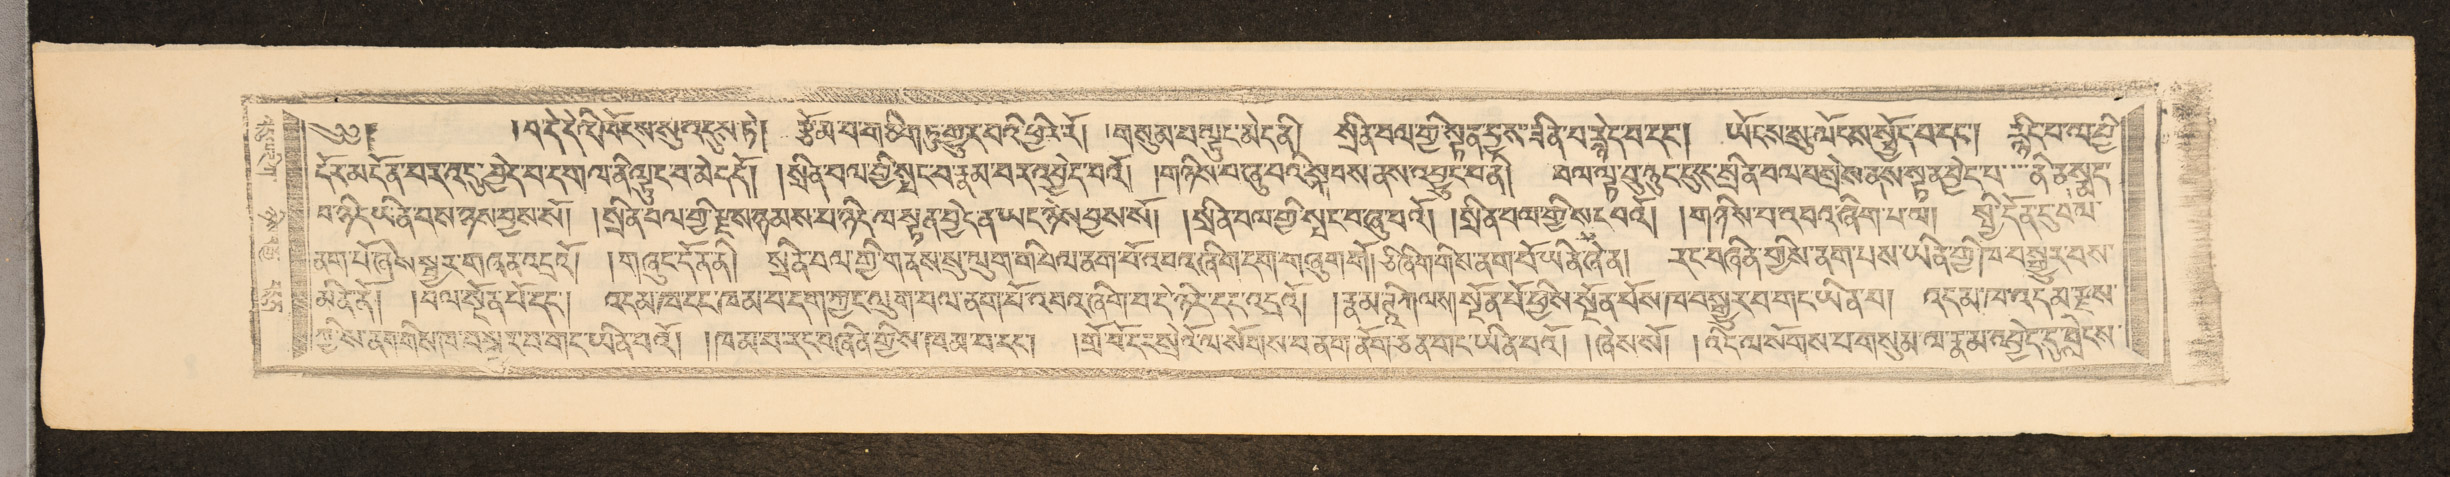༄༅། །པ་དེ་དེའི་ཁོངས་སུ་འདུས་ཏེ། རྩོམ་པ་གཅིག་ཏུ་གྱུར་པའི་ཕྱིར་རོ། །གསུམ་པ་ལྟུང་མེད་ནི། སྲིན་བལ་གྱི་སྟན་བྱས་ཟིན་པ་རྙེད་པ་དང་། ཡོངས་སུ་ལོངས་སྤྱོད་པ་དང་། རྙིང་པ་ལ་བྱི་
དོར་མངོན་པར་འདུ་བྱེད་པ་དག་ལ་ནི་ལྟུང་བ་མེད་དོ། །སྲིན་བལ་གྱི་སྤང་བ་རྣམ་པར་འབྱེད་པའོ། །གཉིས་པ་ཞུ་བའི་སྐབས་ནས་འབྱུང་བ་ནི། བལ་ལྟ་བུ་ཉུང་དུ་ངང་སྲིན་བལ་བསྲེས་ནས་སྟན་བྱེད་པ་ནི་ན་སྨད་
པ་ཉིད་ཡིན་པས་ཉེས་བྱས་སོ། །སྲིན་བལ་གྱི་རྫས་ཉམས་པ་ཉིད་ལ་སྟན་བྱེད་ན་ཡང་ཉེས་བྱས་སོ། །སྲིན་བལ་གྱི་སྤང་བ་ཞུ་བའོ། །སྲིན་བལ་གྱི་སྤང་པའོ། །གཉིས་པ་འབའ་ཞིག་པ་ལ། སྤྱི་དོན་དུ་བལ་
ནག་པོ་ཞེས་སྦྱར་གཞན་འདྲའོ། །གཞུང་དོན་ནི། སྲིན་བལ་གྱི་གནས་སུ་ལུག་གི་བལ་ནག་པོ་འབའ་ཞིག་དག་གཞུག་གོ། ཅི་ཞིག་གིས་ནག་པོ་ཡིན་ཞེ་ན། རང་བཞིན་གྱིས་ནག་པས་ཡིན་གྱི་ཁ་བསྒྱུར་བས་
མིན་ནོ། །བལ་སྔོན་པོ་དང་། འདམ་ཁ་དང་ཁམ་པ་དག་ཀྱང་ལུག་བལ་ནག་པོ་འབའ་ཞིག་པ་དེ་ཉིད་དང་འདྲའོ། །རྣམ་ཊཱིཀྐ་ལས། སྔོན་པོ་ཕྱིས་སྔོན་པོས་ཁ་བསྒྱུར་བ་གང་ཡིན་པ། འདམ་ཁ་འདམ་རྫས་
ཀྱིས་ནག་གིས་ཁ་བསྒྱུར་བ་གང་ཡིན་པའོ། །ཁམ་པ་རང་བཞིན་གྱིས་ཁམ་པ་དང་། །གྲོ་བོ་དང་སྲེའོ་ལ་སོགས་པ་ནག་ནོག་ཅན་གང་ཡིན་པའོ། །ཞེས་སོ། །འདི་ལ་སོགས་པ་གསུམ་ལ་རྣམ་འབྱེད་དུ་བླིངས་